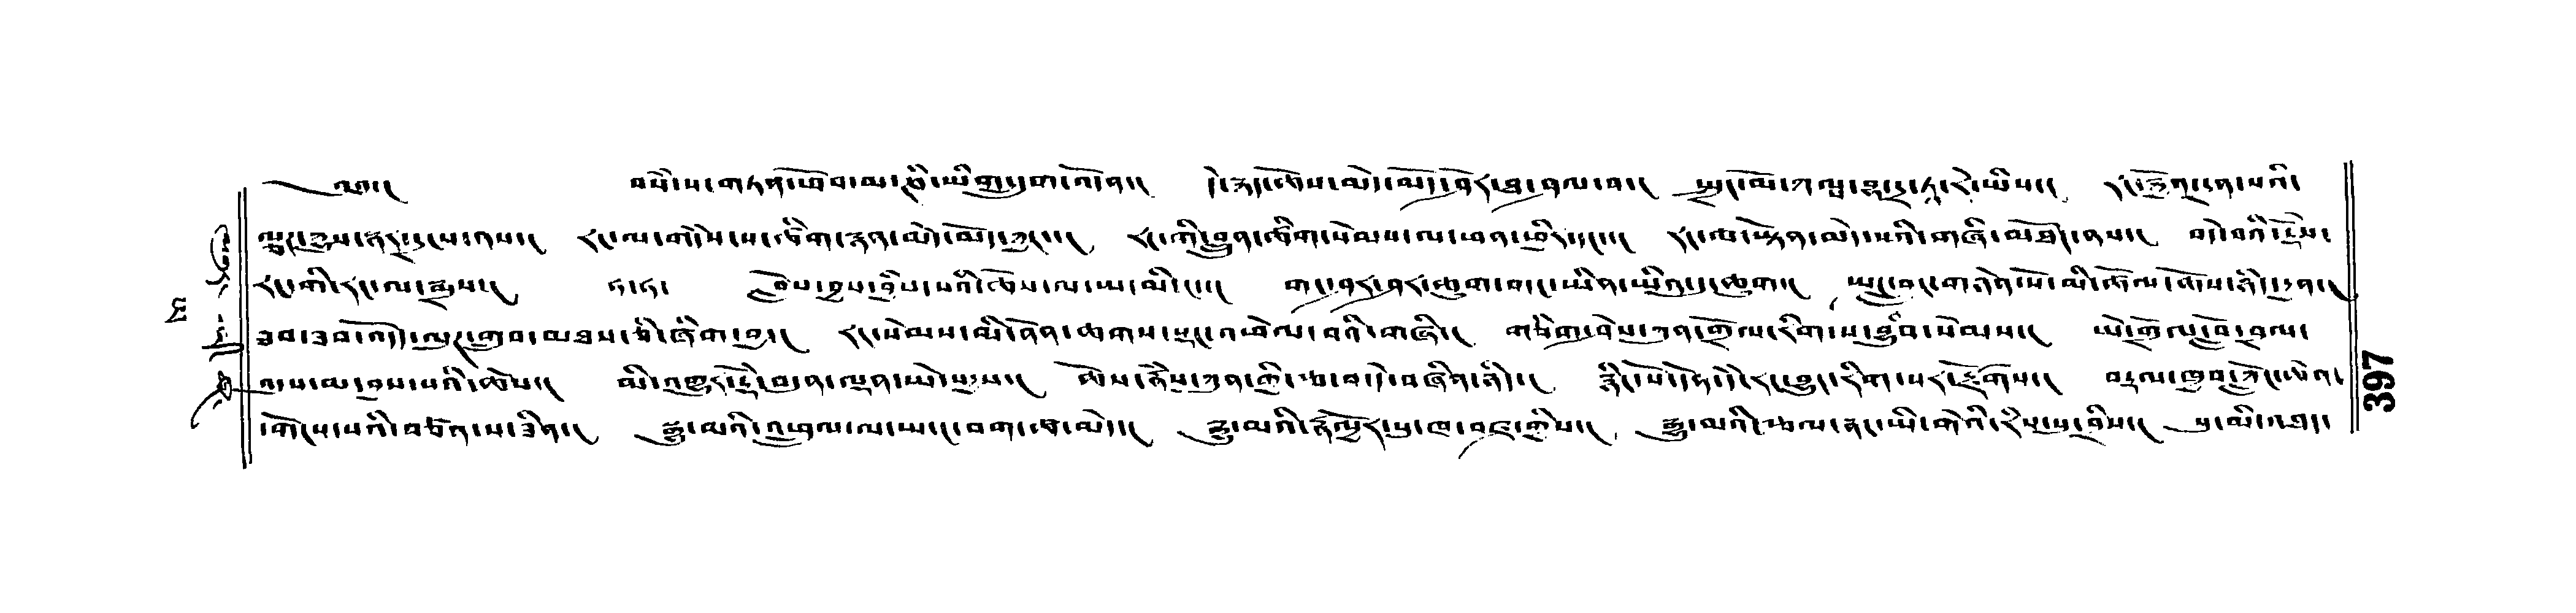།བསམ་པ་གཏན་ཕོབས་མ་ཎི་ཡིག་དྲུག་ཐོན། །དེ་སྐད་ཆོས་མེད་མདོ་ཤོར་ཐ་ཤལ་བ། །སྤྲང་མོ་ཀལྤ་བྷ་དྲ་ཏཱ་རེ་ཡིས། །རང་སྐྱོན་དྲན་པའི་
ལྕགས་ཀྱུས་སྣར་དྲངས་ནས། །རང་ལ་གདམས་པ་ཚིག་སྙན་མེད་མོད་ཀྱང་། །རང་གི་བླུན་ཚིག་སེམས་ལ་ཕན་ཕྱིར་དང་། །རང་ལ་ཡོན་ཏན་མེད་པའི་གཞི་མཐོང་ནས། །བདེ་བའི་རྡོ་རྗེས་
རང་གི་རང་ལ་སྨྲས། ཧ་ཧ། བློས་བྱས་བྱིས་པའི་ཆོས་ལ་ཡ་མི་ང་། །གང་ཤར་ཤར་ཆུག་གང་ཡིན་ཡིན་དུ་ཆུག །སྤང་བླང་གཉེན་པོ་མི་ཚོལ་ཆོས་ཉིད་རྒྱན། །
ཟབ་ཟབ་འདོད་ལུགས་གྲུབ་མཐས་ཅི་ཞིག་བྱ། །རང་སེམས་མི་ནོན་ཆགས་སྡང་འཕེལ་བའི་གཞི། །གཅིག་ཤེས་ཀུན་གྲོལ་རིག་པ་བྱང་ཆུབ་སེམས། །ཡེ་གྲོལ་བློ་བྲལ་
འདུས་མ་བྱས་པའི་ཆོས། །མི་འགྱུར་རྡོ་རྗེ་བདུན་ལྡན་ཡེ་སངས་རྒྱས། །ཆོས་རྣམས་ཀུན་གྱི་རྩ་བ་དེ་བཞིན་ཉིད། །སྙིང་པོ་དོན་དམ་རང་བྱུང་རིག་པར་རྫོགས། །བརྡལ་ཁྱབ་ཀློང་ཆེན་
དགོངས་པའི་བཙན་ས་ཟིན། །སྒྱུ་མའི་འཕྲུལ་ལ་ཡ་ང་བག་ཚ་མེད། །སྒྱུ་མའི་རྣལ་འབྱོར་སུ་ཁ་བཛྲ་གྱིས། །སྒྱུ་མའི་རྩལ་སྣང་ཡི་གེའི་རིས་སུ་བྲིས། །སུ་མི་འཐད་